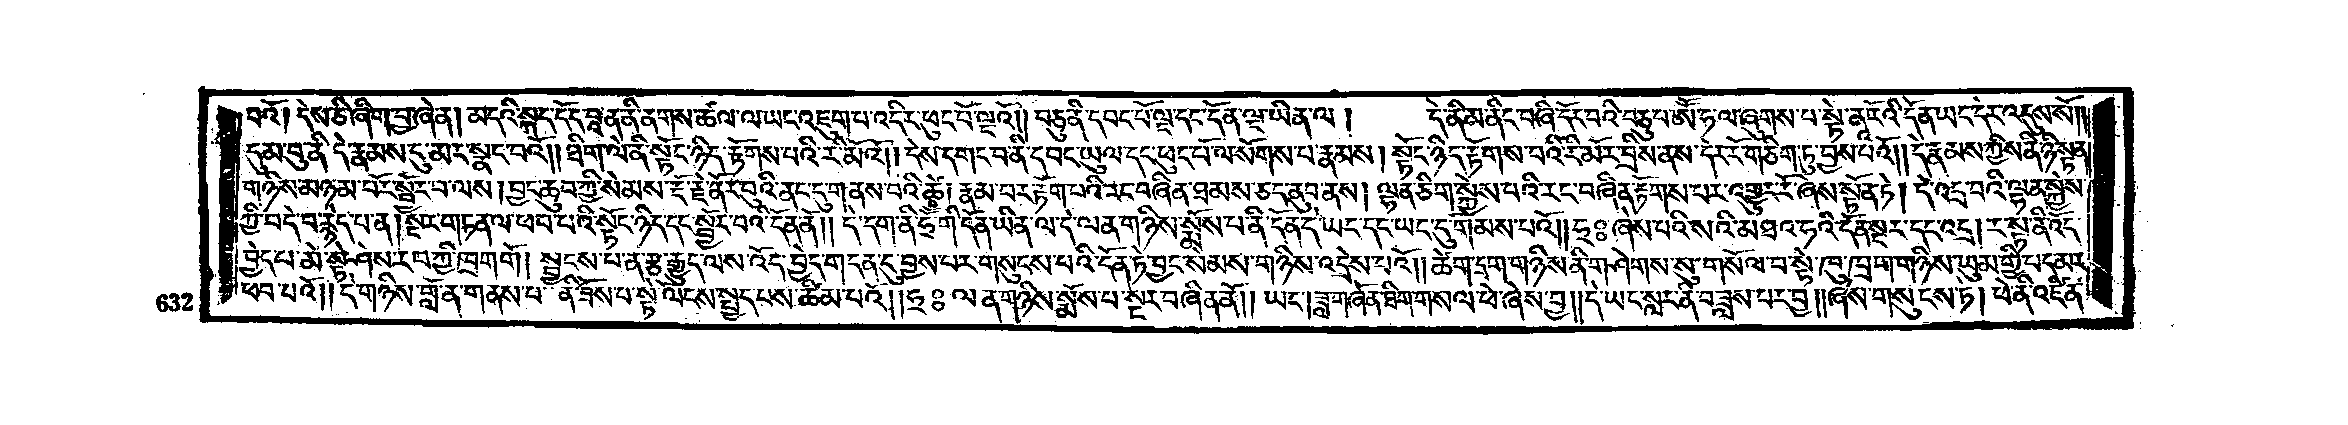པའོ། དེས་ཅི་ཞིག་བྱ་ཞེ་ན། མདའི་སྐད་དོད་བཱ་ན་ནི་ནགས་ཚལ་ལ་ཡང་འཇུག་པ་འདིར་ཕུང་པོ་ལྔའོ། །བཅུ་ནི་དབང་པོ་ལྔ་དང་དོན་ལྔ་ཡིན་ལ། དེ་ནི་མ་ནིང་བཞི་དོར་བའི་བཅུ་པ་ཨཽ་ཧ་ལ་ཞུགས་པ་སྟེ་ནཱ་རོའི་དོན་ཡང་དེར་འདུས་སོ། །
དུམ་བུ་ནི་དེ་རྣམས་དུ་མར་སྣང་བའོ། །ཐིག་ལེ་ནི་སྟོང་ཉིད་རྟོགས་པའི་རི་མོའོ། །དེས་དགང་བ་ནི་དབང་ཡུལ་དང་ཕུང་པོ་ལ་སོགས་པ་རྣམས། སྟོང་ཉིད་རྟོགས་པའི་རི་མོར་བྲིས་ནས་དེར་རོ་གཅིག་ཏུ་བྱས་པའོ། །དེ་རྣམས་ཀྱིས་ནི་ཉི་སྟན་
གཉིས་མཉམ་པོར་སྦྱོར་བ་ལས། བྱང་ཆུབ་ཀྱི་སེམས་རྡོ་རྗེ་ནོར་བུའི་ནང་དུ་གནས་པའི་ཚེ། རྣམ་པར་རྟོག་པའི་རང་བཞིན་ཐམས་ཅད་ནུབ་ནས། ལྷན་ཅིག་སྐྱེས་པའི་རང་བཞིན་རྟོགས་པར་འགྱུར་རོ་ཞེས་སྟོན་ཏེ། དེ་འདྲ་བའི་ལྷན་སྐྱེས་
ཀྱི་བདེ་བ་རྙེད་པ་ན། སྔར་གཏན་ལ་ཕབ་པའི་སྟོང་ཉིད་དང་སྦྱོར་བའི་དོན་ནོ། །དེ་དག་ནི་ཧྲཽཾ་གི་དོན་ཡིན་ལ་དེ་ལན་གཉིས་སྨོས་པ་ནི་དོན་དེ་ཡང་དང་ཡང་དུ་གོམས་པའོ། །ཧྲཿ ཞེས་པའི་སའི་མཐའ་ཧའི་དོན་སྔར་དང་འདྲ། ར་སྟ་ནི་འོད་
བྱེད་པ་མེ་སྟེ་ཤེས་རབ་ཀྱི་ཁྲག་གོ །སྦྱངས་པ་ནི་རྩ་རྒྱུད་ལས་འོད་བྱེད་གདན་དུ་བྱས་པར་གསུངས་པའི་དོན་ཏེ་བྱང་སེམས་གཉིས་འདྲེས་པའོ། །ཚེག་དྲག་གཉིས་ནི་གཤེགས་སུ་གསོལ་བ་སྟེ་ཁུ་ཁྲག་གཉིས་ཡུམ་གྱི་པད་མར་
ཕབ་པའོ། །དེ་གཉིས་གློ་ན་གནས་པ་ནི་ཟོས་པ་སྟེ་ལོངས་སྤྱད་པས་ཚིམ་པའོ། །ཧྲཿ ལན་གཉིས་སྨོས་པ་སྔར་བཞིན་ནོ། །ཡང་། ཟླ་གཞོན་ཐིག་གསལ་ཕ་ཞེས་བྱ། །དེ་ཡང་སླར་ནི་བཟླས་པར་བྱ། །ཞེས་གསུངས་ཏེ། ཕེ་ནི་འཛིན་